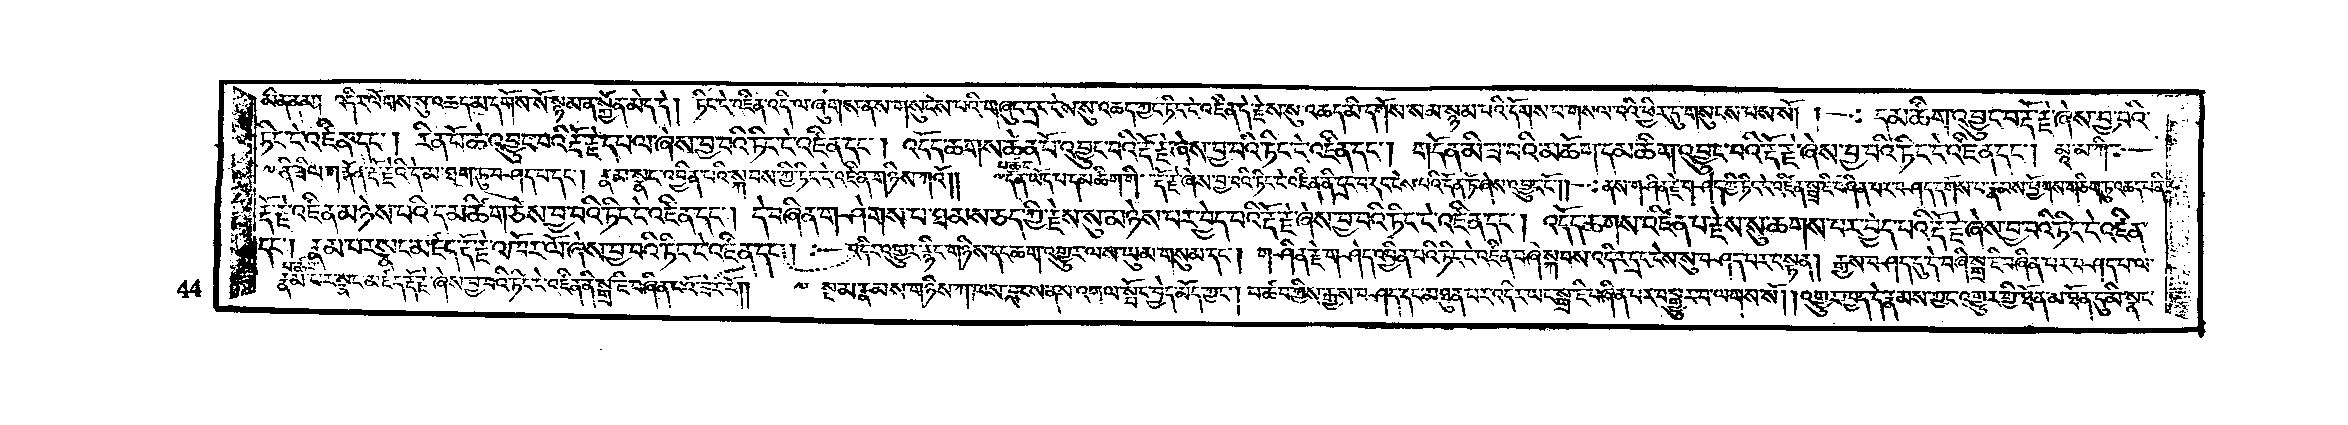མིན་ནམ། འདིར་ལོགས་སུ་འཆད་མ་དགོས་སོ་སྙམ་ན་སྐྱོན་མེད་དེ། ཏིང་ངེ་འཛིན་འདི་ལ་ཞུགས་ནས་གསུངས་པའི་གཞུང་དྲང་ངེས་སུ་འཆད་ཀྱང་ཏིང་ངེ་འཛིན་དེ་རྗེས་སུ་འཆད་མི་དགོས་སམ་སྙམ་པའི་དོགས་པ་གསལ་བའི་ཕྱིར་དུ་གསུངས་པས་སོ།། .Hདམ་ཚིག་འབྱུང་བ་རྡོ་རྗེ་ཞེས་བྱ་བའི་
ཏིང་ངེ་འཛིན་དང་། རིན་པོ་ཆེ་འབྱུང་བའི་རྡོ་རྗེ་དཔལ་ཞེས་བྱ་བའི་ཏིང་ངེ་འཛིན་དང་། འདོད་ཆགས་ཆེན་པོ་འབྱུང་བའི་རྡོ་རྗེ་ཞེས་བྱ་བའི་ཏིང་ངེ་འཛིན་དང་། གདོན་མི་ཟ་བའི་མཆོག་དམ་ཚིག་འབྱུང་བའི་རྡོ་རྗེ་ཞེས་བྱ་བའི་ཏིང་ངེ་འཛིན་དང་། མཱ་མ་ཀིཿ
༧ནི་ཟིལ་གནོན་རྡོ་རྗེའི་དེ་མ་ཐག་ཏུ་བཤད་པ་དང་། རྣམ་སྣང་འབྱིན་པའི་སྐབས་ཀྱི་ཏིང་ངེ་འཛིན་གཉིས་ཀའོ།། བ་ཚབ་༧དོན་ཡོད་པ་དམ་ཚིག་གི་རྡོ་རྗེ་ཞེས་བྱ་བའི་ཏིང་ངེ་འཛིན་ནི་དྲང་བ་དང་ངེས་པའི་དོན་ཏོ་ཞེས་འབྱུང་ངོ།། .Hནས་གཤིན་རྗེ་གཤེད་ཀྱི་ཏིང་ངེ་འཛིན་སྒྲ་ཇི་བཞིན་པར་བཤད་དགོས་པ་རྣམས་ཕྱོགས་གཅིག་ཏུ་འཆད་པ་ནི
རྡོ་རྗེ་འཛིན་མཉེས་པའི་དམ་ཚིག་ཅེས་བྱ་བའི་ཏིང་ངེ་འཛིན་དང་། དེ་བཞིན་གཤེགས་པ་ཐམས་ཅད་ཀྱི་རྗེས་སུ་མཉེས་པར་བྱེད་པའི་རྡོ་རྗེ་ཞེས་བྱ་བའི་ཏིང་ངེ་འཛིན་དང་། འདོད་ཆགས་འཛིན་པ་རྗེས་སུ་ཆགས་པར་བྱེད་པའི་རྡོ་རྗེ་ཞེས་བྱ་བའི་ཏིང་ངེ་འཛིན་
དང་། རྣམ་པར་སྣང་མཛད་རྡོ་རྗེ་འཁོར་ལོ་ཞེས་བྱ་བའི་ཏིང་ངེ་འཛིན་དང་།H.་འདིར་འགྱུར་རྙིང་གཉིས་དང་ཆག་འགྱུར་ལས་ཡུམ་གསུམ་དང་། གཤེན་རྗེ་གཤེད་འབྱིན་པའི་ཏིང་ངེ་འཛིན་བཞི་སྐབས་འདིར་དྲང་ངེས་སུ་བཤད་པར་བསྟན། རྒྱས་བཤད་དུ་དེ་བཞི་སྒྲ་ཇི་བཞིན་པར་བཤད་པ་ལ་
༧རྣམ་པར་སྣང་མཛད་རྡོ་རྗེ་ཞེས་བྱ་བའི་ཏིང་ངེ་འཛིན་ནི་སྒྲ་ཇི་བཞིན་པའོ་ཟེར་རོ།། ༧སྔ་མ་རྣམས་གཉིས་ཀ་ཁས་བླངས་ནས་འགལ་སྤོང་བྱེད་མོད་ཀྱང་། པ་ཚབ་ཀྱིས་རྒྱས་བཤད་དང་མཐུན་པར་འདིར་ཡང་སྒྲ་ཇི་བཞིན་པར་བསྒྱུར་པ་ལགས་སོ། །འགྱུར་ཁྱད་དེ་རྣམས་ཀྱང་འགྱུར་གྱི་ཐོན་མ་ཐོན་དུ་མི་སྣང་